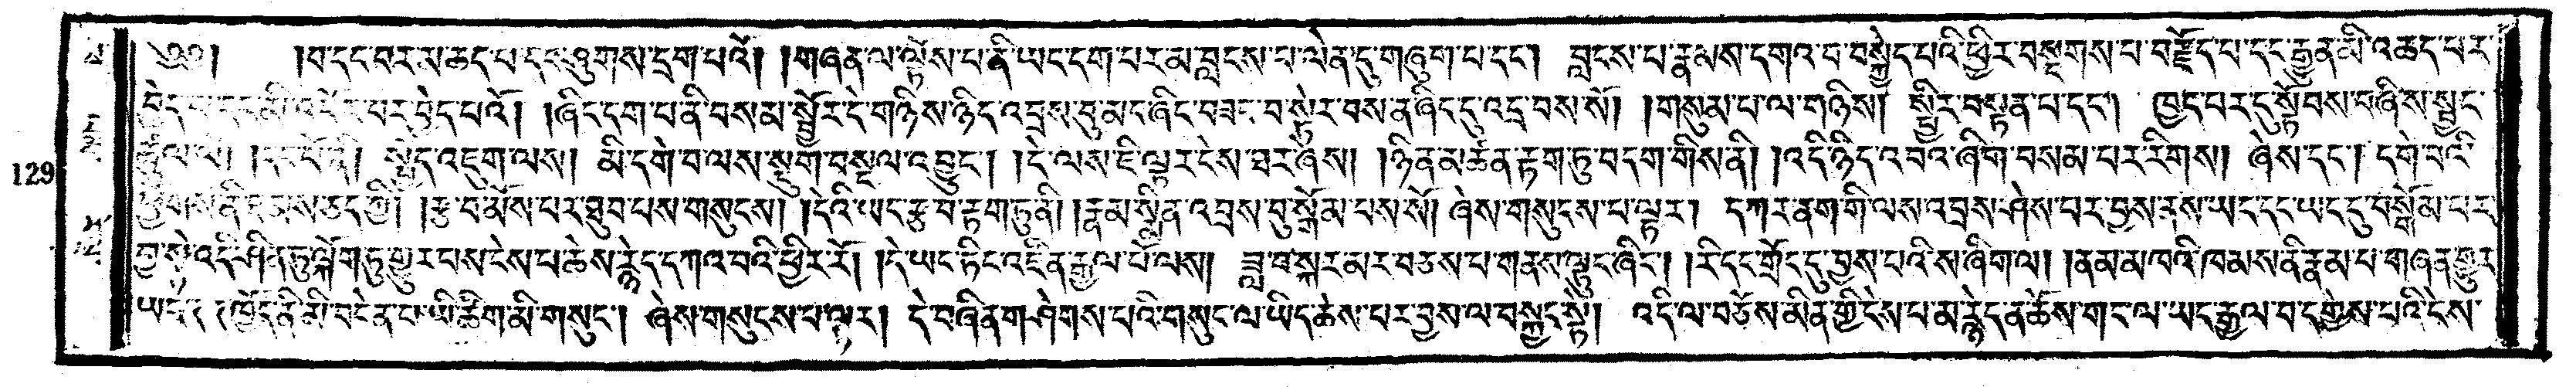༄༅། །བ་དང་བར་མ་ཆད་པ་དང་ཤུགས་དྲག་པའོ། །གཞན་ལ་ལྟོས་པ་ནི་ཡང་དག་པར་མ་བླངས་པ་ལེན་དུ་གཞུག་པ་དང་། བླངས་པ་རྣམས་དགའ་བ་བསྐྱེད་པའི་ཕྱིར་བསྔགས་པ་བརྗོད་པ་དང་རྒྱུན་མི་འཆད་པར་
བྱེད་པ་དང་མི་འདོར་པར་བྱེད་པའོ། །ཞིང་དག་པ་ནི་བསམ་སྦྱོར་དེ་གཉིས་ཉིད་འབྲས་བུ་མང་ཞིང་བཟང་བ་སྟེར་བས་ན་ཞིང་དུ་འདྲ་བས་སོ། །གསུམ་པ་ལ་གཉིས། སྤྱིར་བསྟན་པ་དང་། ཁྱད་པར་དུ་སྟོབས་བཞིས་སྦྱང་
ཚུལ་ལོ། །དང་པོ་ནི། སྤྱོད་འཇུག་ལས། མི་དགེ་བ་ལས་སྡུག་བསྔལ་འབྱུང་། །དེ་ལས་ཇི་ལྟར་ངེས་ཐར་ཞེས། །ཉིན་མཚན་རྟག་ཏུ་བདག་གིས་ནི། །འདི་ཉིད་འབའ་ཞིག་བསམ་པར་རིགས། ཞེས་དང་། དགེ་བའི་
ཕྱོགས་ནི་ཐམས་ཅད་ཀྱི། །རྩ་བ་མོས་པར་ཐུབ་པས་གསུངས། །དེའི་ཡང་རྩ་བ་རྟག་ཏུ་ནི། །རྣམ་སྨིན་འབྲས་བུ་སྒོམ་པས་སོ། ཞེས་གསུངས་པ་ལྟར། དཀར་ནག་གི་ལས་འབྲས་ཤེས་པར་བྱས་ནས་ཡང་དང་ཡང་དུ་བསྒོམ་པར་
བྱ་སྟེ་འདི་ཤིན་ཏུ་ལྐོག་ཏུ་གྱུར་བས་ངེས་པ་ཆེས་རྙེད་དཀའ་བའི་ཕྱིར་རོ། །དེ་ཡང་ཏིང་འཛིན་རྒྱལ་པོ་ལས། ཟླ་བ་སྐར་མར་བཅས་པ་གནས་ལྟུང་ཞིང་། །རི་དང་གྲོང་དུ་བྱས་པའི་ས་ཞིག་ལ། །ནམ་མཁའི་ཁམས་ནི་རྣམ་པ་གཞན་གྱུར་
ཡང༑ ༑ཁྱོད་ནི་མི་བདེན་པ་ཡི་ཚིག་མི་གསུང་། ཞེས་གསུངས་པ་ལྟར། དེ་བཞིན་གཤེགས་པའི་གསུང་ལ་ཡིད་ཆེས་པར་བྱས་ལ་བསྐྱང་སྟེ། འདི་ལ་བཅོས་མིན་གྱི་ངེས་པ་མ་རྙེད་ན་ཆོས་གང་ལ་ཡང་རྒྱལ་བ་དགྱེས་པའི་ངེས་